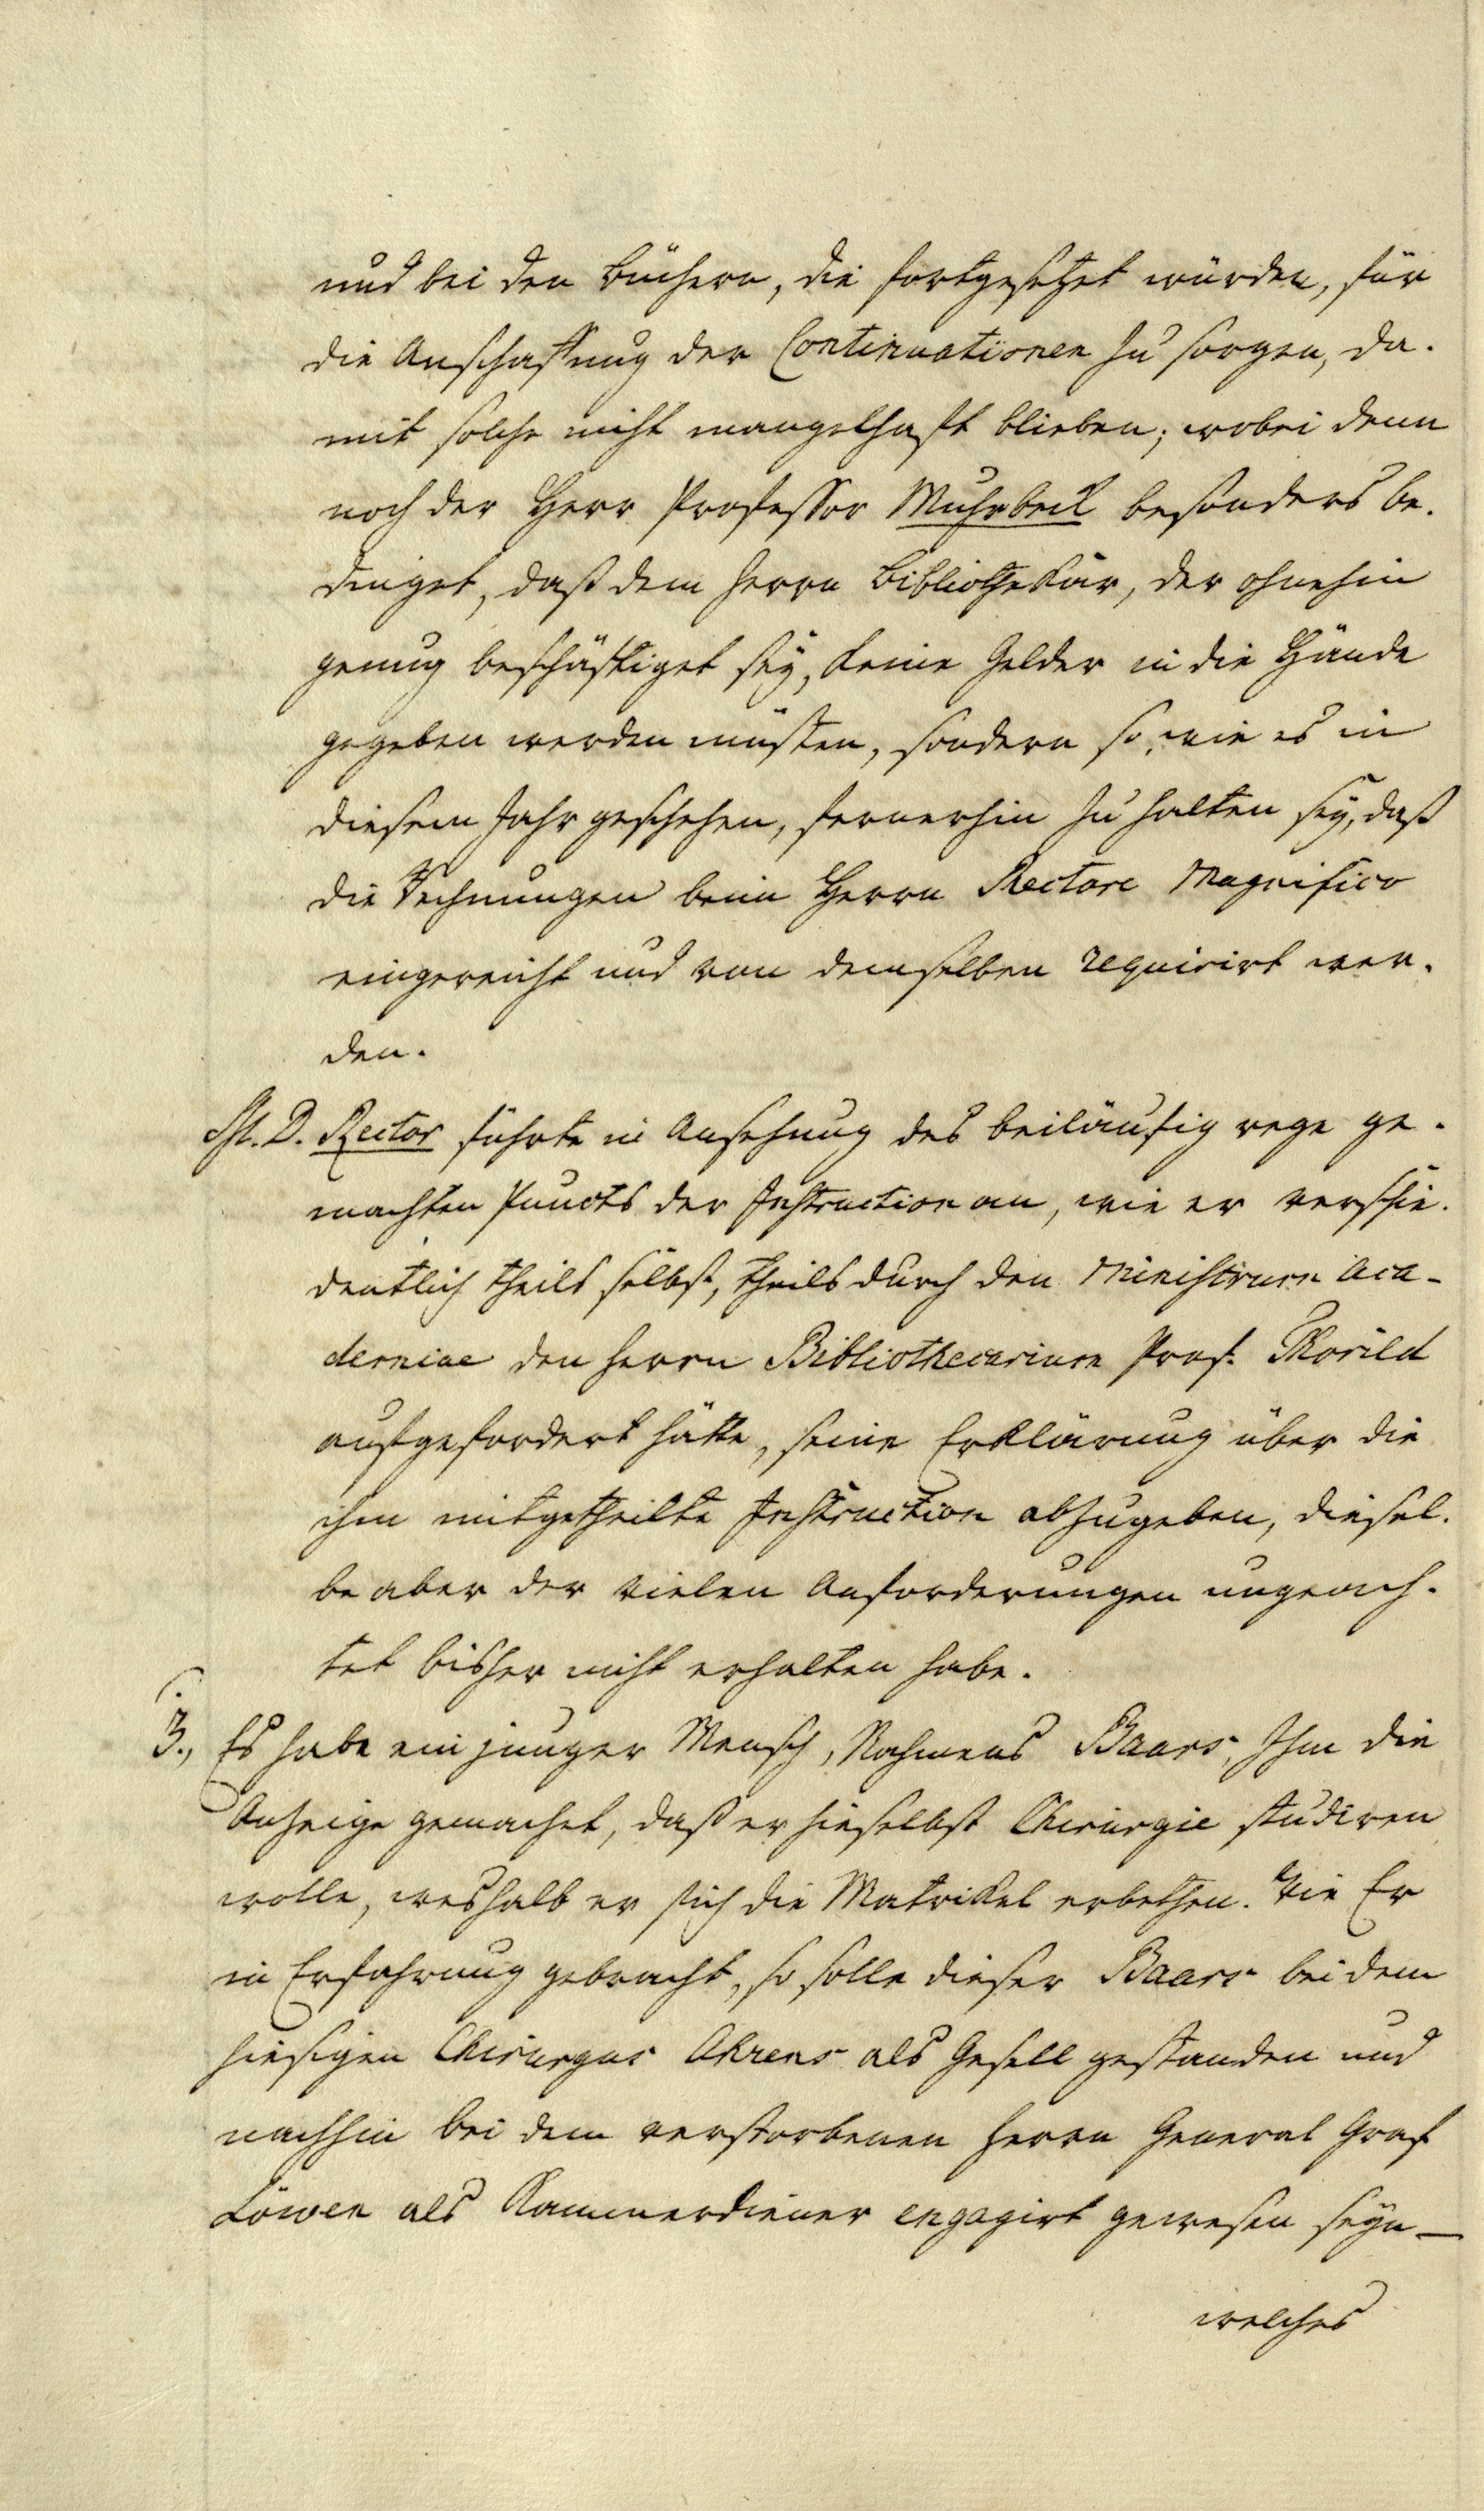und bei den Büchern, die fortgesetzt würden, für
die Anschaffung der Continuationen zu sorgen, da¬
mit solche nicht mangelhaft blieben; wobei denn
noch der Herr Professor Muhrbeck besonders be¬
dinget, daß dem Herrn Bibliothekar, der ohnehin
genug beschäftiget seÿ, keine Gelder in die Hände
gegeben werden müßten, sondern so, wie es in
diesem Jahr geschehen, fernerhin zu halten seÿ, daß
die Rechnungen beim Herrn Rectore Magnifico
eingereicht und von demselben requirirt wer¬
den.
M. D. Rector führte in Ansehung des beiläufig rege ge¬
machten Puncts der Instruction an, wie er verschie¬
dentlich theils selbst, theils durch den Ministrum Aca¬
demiae den Herrn Bibliothecarium Prof. Thorild
aufgefordert hätte, seine Erklärung über die
ihm mitgetheilte Instruction abzugeben, diesel¬
be aber der vielen Anforderungen ungeach¬
tet bisher nicht erhalten habe.
3., Es habe ein junger Mensch, Nahmens Baars Ihm die
Anzeige gemachet, daß er hieselbst Chirurgie studiren
wolle, weshalb er sich die Matrikel erbethen. Wie Er
in Erfahrung gebracht, so solle dieser Baars bei dem
hiesigen Chirurgus Ahrens als Gesell gestanden und
nachhin bei dem verstorbenen Herrn General Graf
Löwen als Kammerdiener engagirt gewesen seÿn
welches